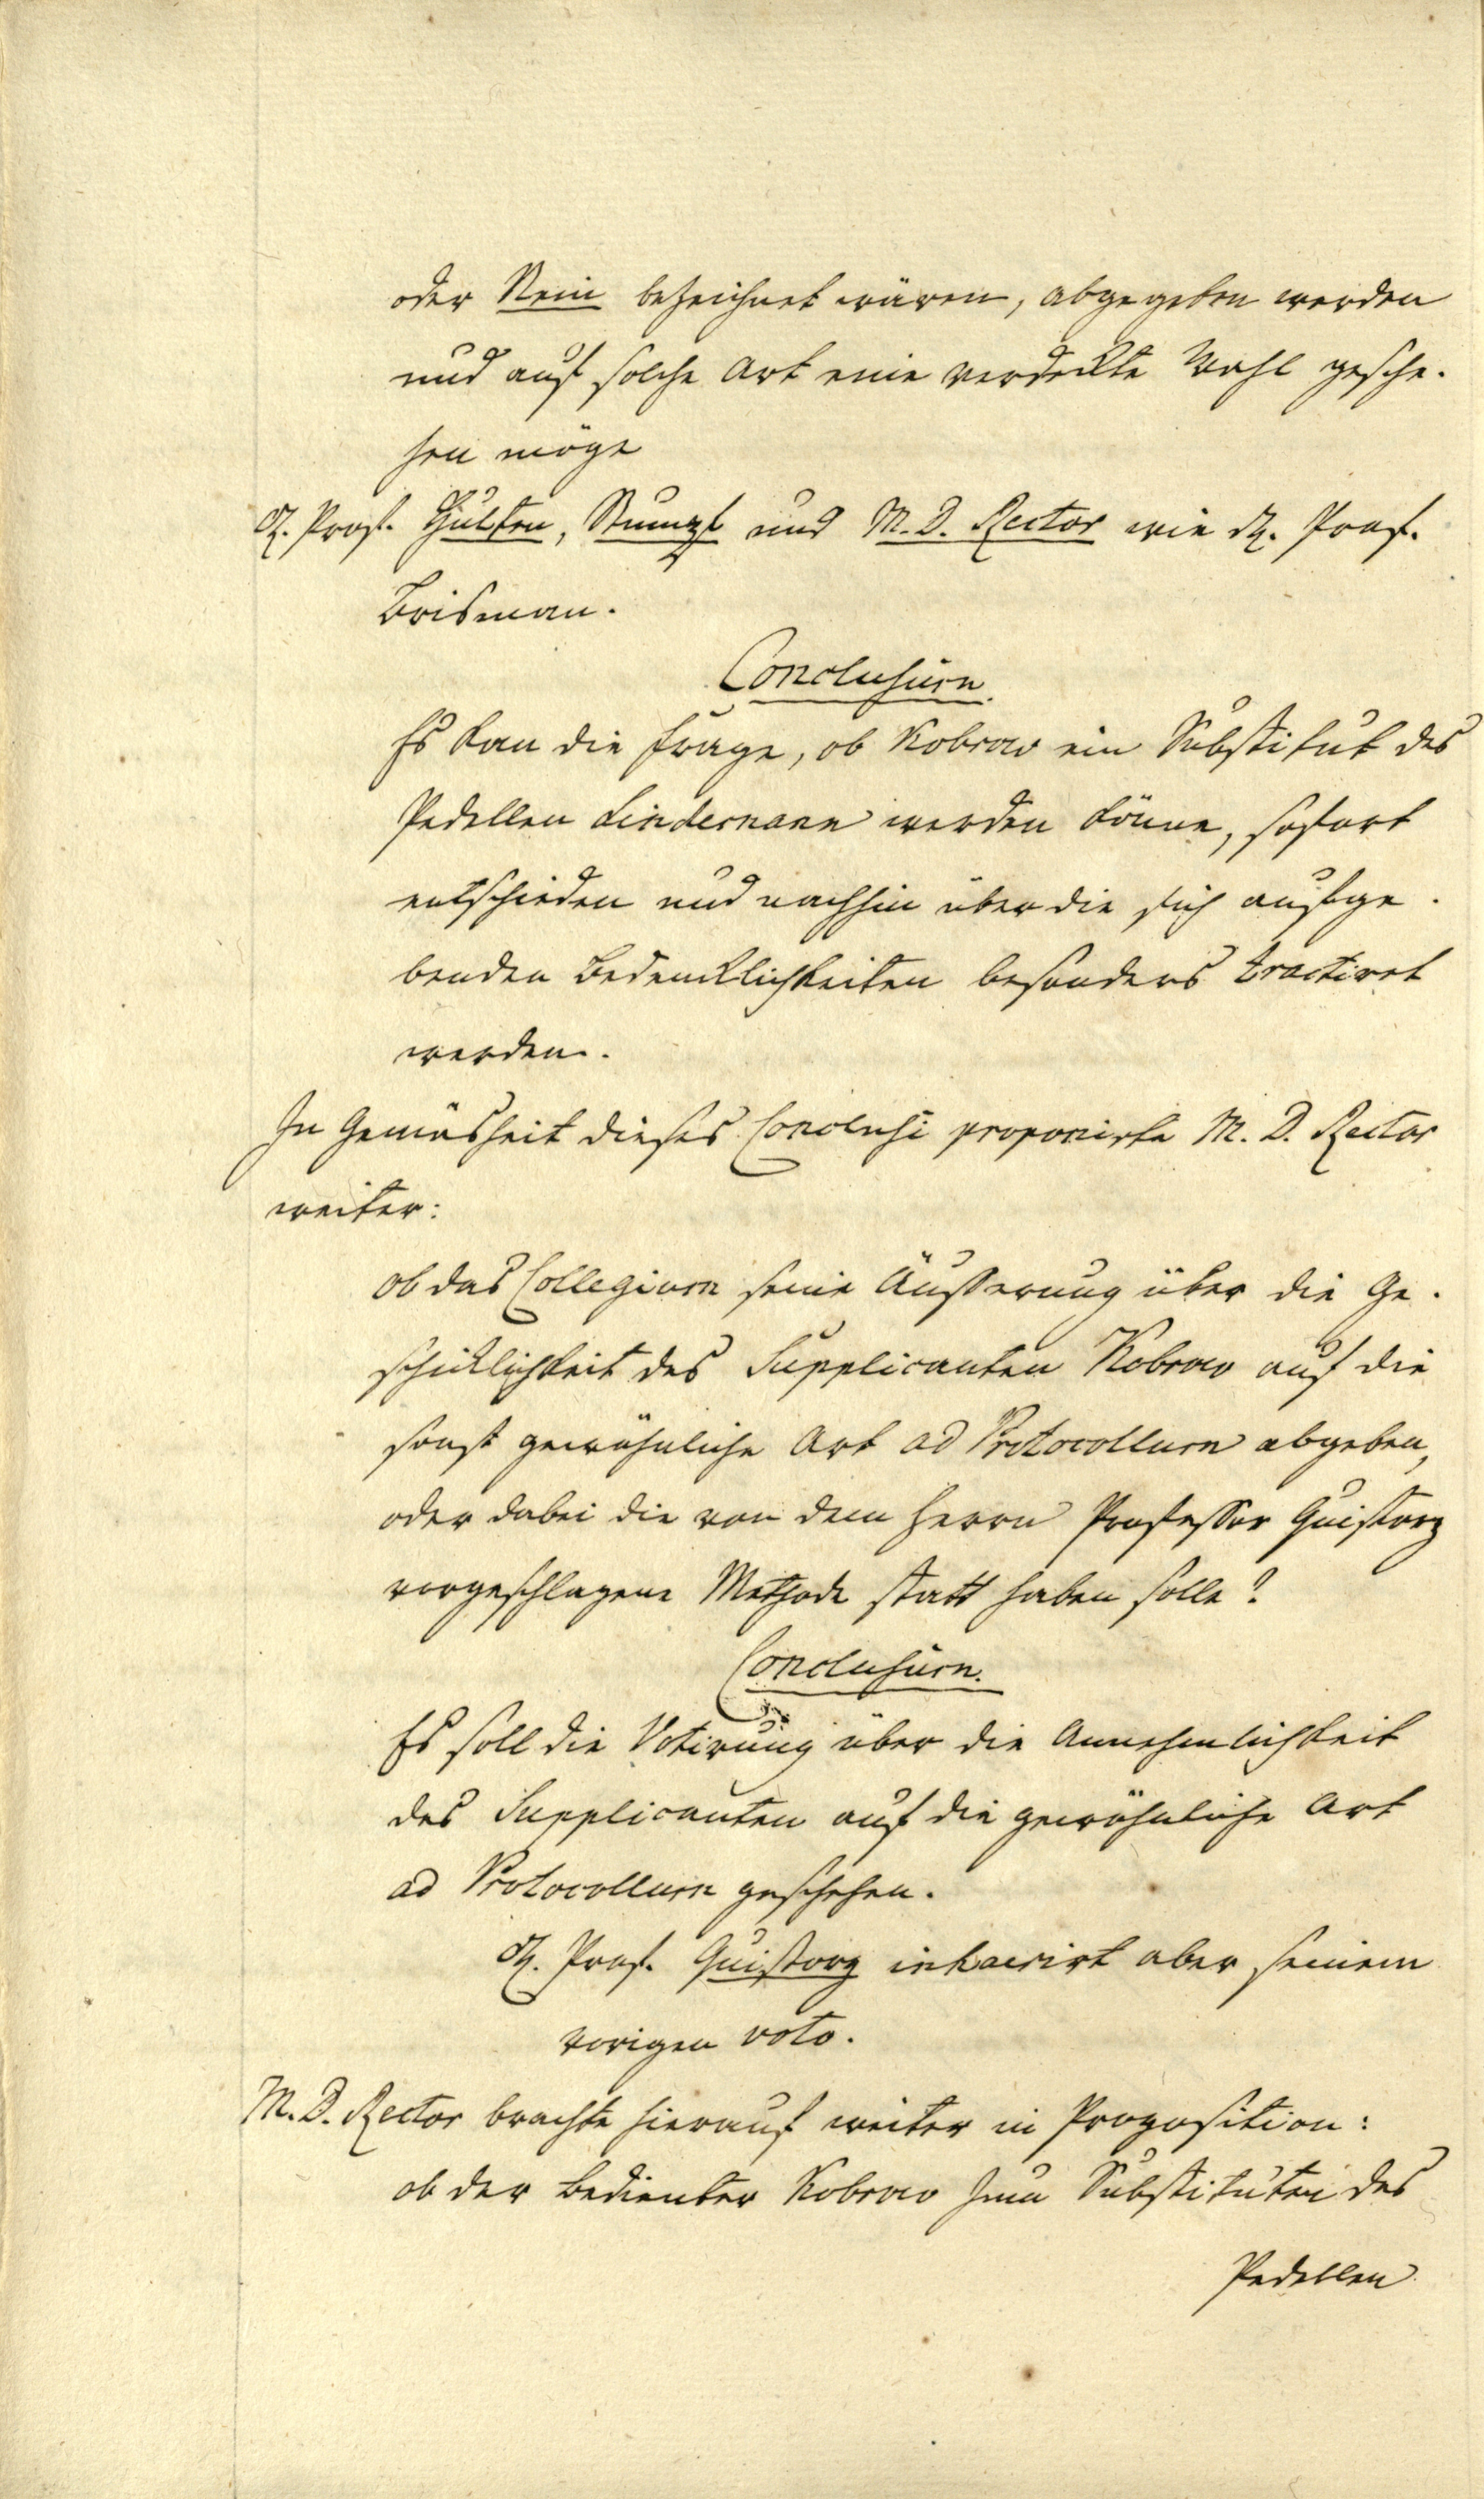oder Nein bezeichnet wären, abgegeben werden
und auf solche Art eine verdeckte Wahl gesche¬
hen möge
dh. Prof. Hulten, Stumpf und M. D. Rector wie dh. Prof.
Brisman.
Conclusum
Es kan die Frage, ob Kobrow ein Substitut des
Pedellen Lindemann werden könne, sofort
entschieden und nachhin über die sich aufge¬
benden Bedencklichkeiten besonders tractiret
werden.
In Gemäsheit dieses Conclusi proponirte M. D. Rector
weiter:
ob das Collegium seine Äusserung über die Ge¬
schicklichkeit des Supplicanten Kobrow auf die
sonst gewöhnliche Art ad Protocollum abgeben,
oder dabei die von dem Herrn Professor Quistorp
vorgeschlagene Methode statt haben solle?
Conclusum
Es soll die Votirung über die Annehmlichkeit
des Supplicanten auf die gewöhnliche Art
ad Protocollum geschehen.
dh. Prof. Quistorp inhaerirt aber seinem
vorigen voto.
M. D. Rector brachte hierauf weiter in Proposition:
ob der Bedienter Kobrow zum Substituten des
Pedellen